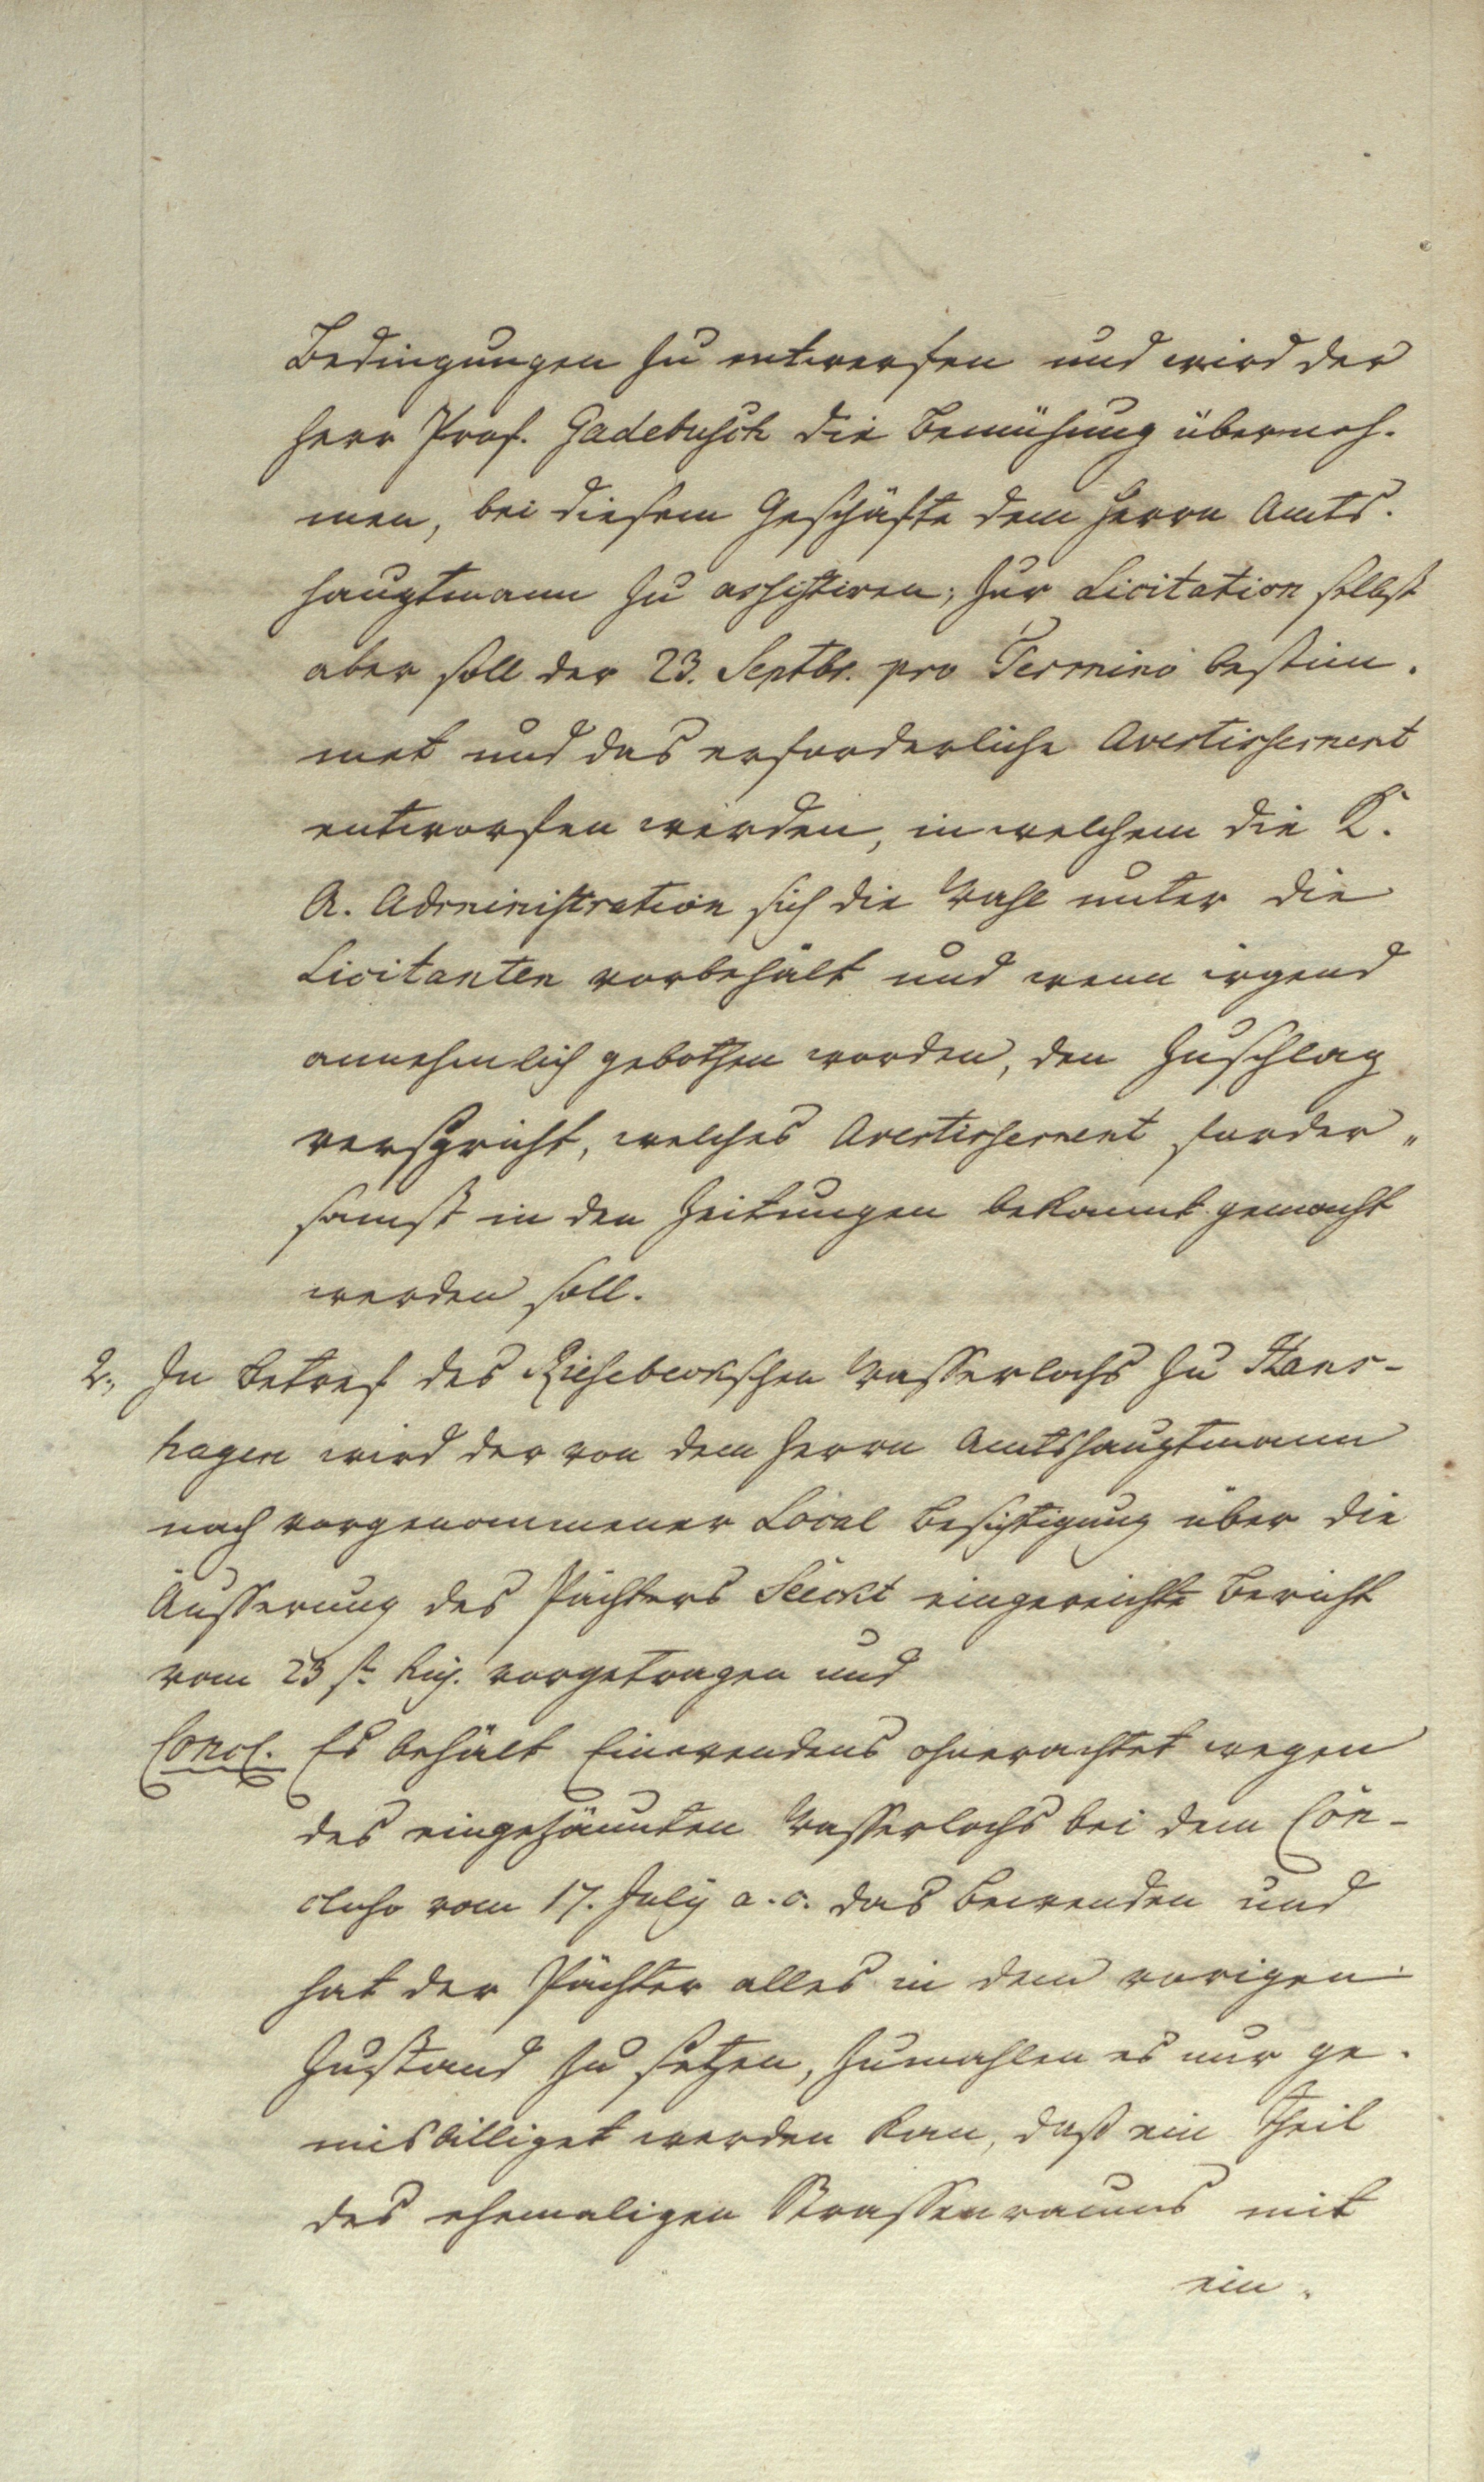Bedingungen zu entwerfen und wird der
Herr Prof. Gadebusch die Bemühung überneh¬
men, bei diesem Geschäfte dem Herrn Amts¬
hauptmann zu assistiren; zur Licitation selbst
aber soll der 23. Septbr. pro Termino bestim¬
met und das erforderliche Avertissement
entworfen werden, in welchem die K.
A. Administration sich die Wahl unter die
Licitanten vorbehält und wenn irgend
annehmlich gebothen worden, den Zuschlag
verspricht, welches Avertissement forder¬
samst in den Zeitungen bekannt gemacht
werden soll.
2., In Betref des Riesebeckschen Wasserlochs zu Hans¬
hagen wird der von dem Herrn Amtshauptmann
nach vorgenommener Local Besichtigung über die
Äusserung des Pächters Seeckt eingereichte Bericht
vom 23 t huj. vorgetragen und
Concl. Es behält Einwendens ohnerachtet wegen
des eingezäunten Wasserlochs bei dem Con¬
cluso vom 17. Julÿ a. c. das Bewenden und
hat der Pächter alles in dem vorigen
Zustand zu setzen, zumahlen es nur ge¬
misbilliget werden kan, daß ein Theil
des ehemaligen Strassenraums mit
ein